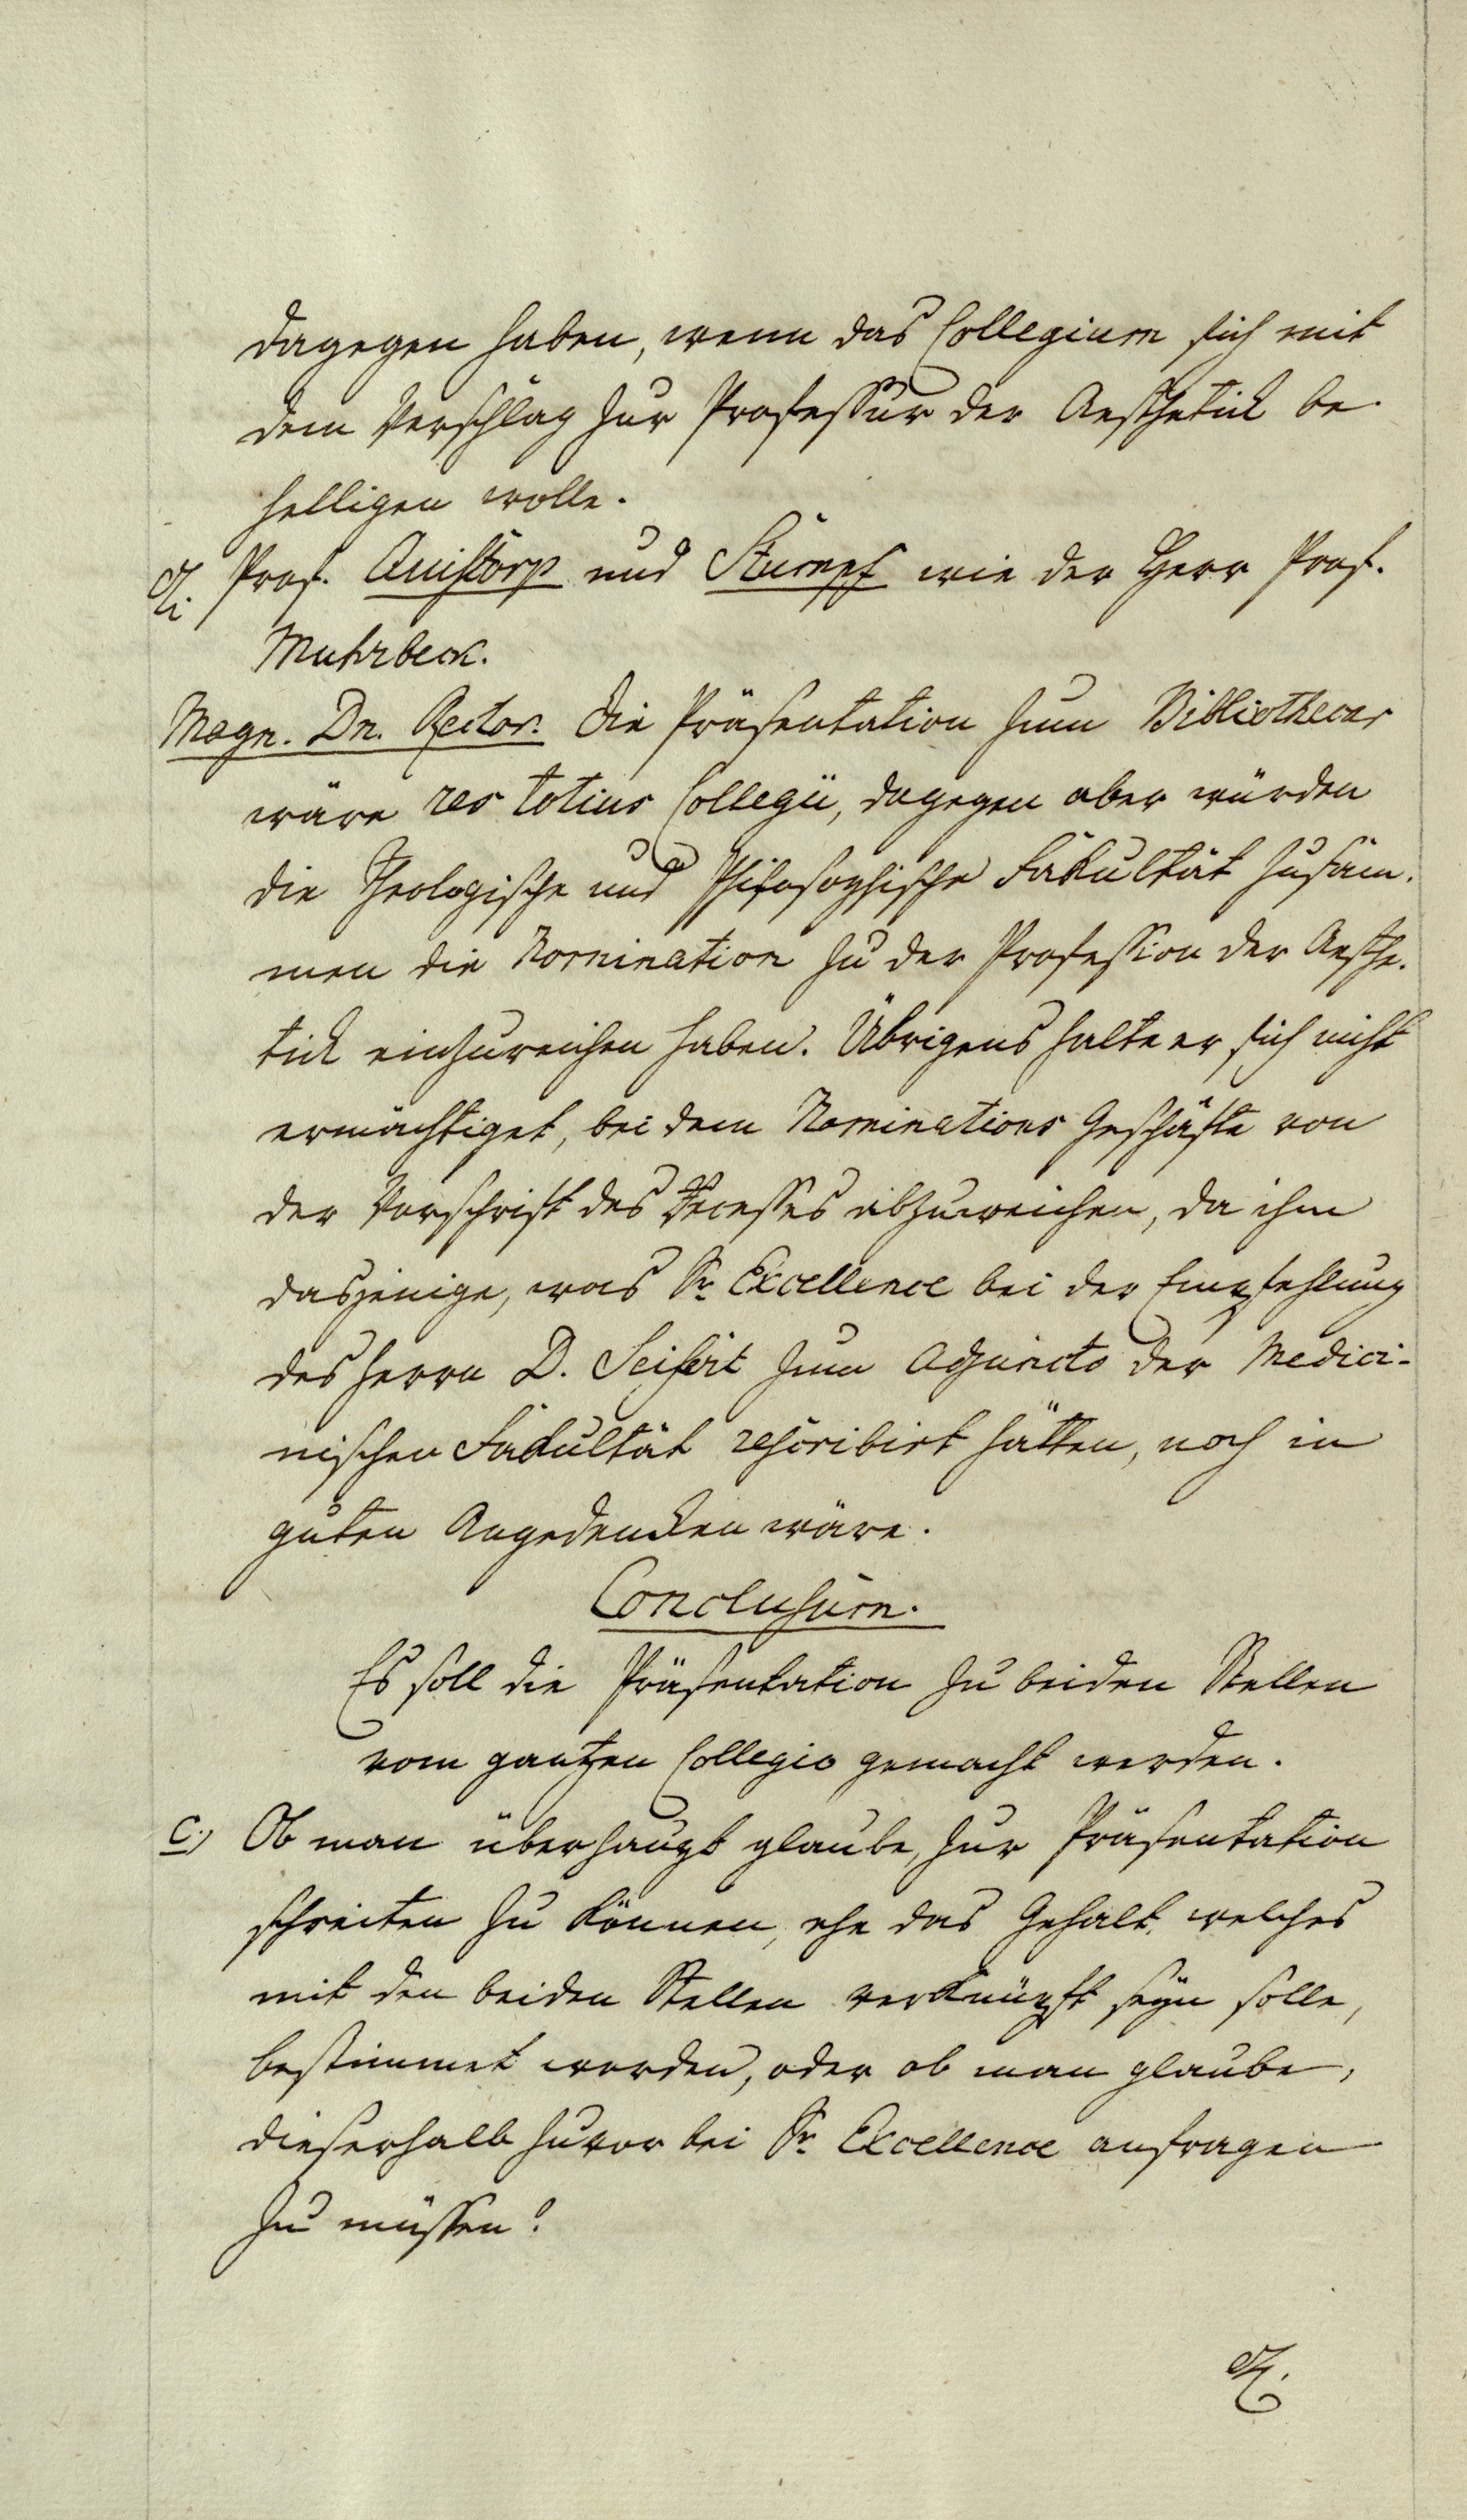dagegen haben, wenn das Collegium sich mit
dem Vorschlag zur Professur der Aesthetik be¬
helligen wolle.
dh. Prof. Quistorp und Stumpf wie der Herr Prof.
Muhrbeck.
Magn. Dn. Rector. Die Präsentation zum Bibliothecar
wäre res totius Collegii, dagegen aber würden
die Theologische und Philosophische Fakultät zusam¬
men die Nomination zu der Profession der Aesthe¬
tik einzureichen haben. Übrigens halte er sich nicht
ermächtiget, bei dem Nominations Geschäfte von
der Vorschrift des Recesses abzuweichen, da ihm
dasjenige, was Sr. Excellence bei der Empfehlung
des Herrn D. Seifert zum Adjuncto der Medici¬
nischen Fakultät rescribirt hätten, noch in
guten Angedenken wäre.
Conclusum.
Es soll die Präsentation zu beiden Stellen
vom gantzen Collegio gemacht werden.
c., Ob man überhaupt glaube, zur Präsentation
schreiten zu können, ehe das Gehalt welches
mit den beiden Stellen verknüpft seÿn solle,
bestimmt worden, oder ob man glaube,
dieserhalb zuvor bei Sr. Excellence anfragen
zu müssen?
dh.